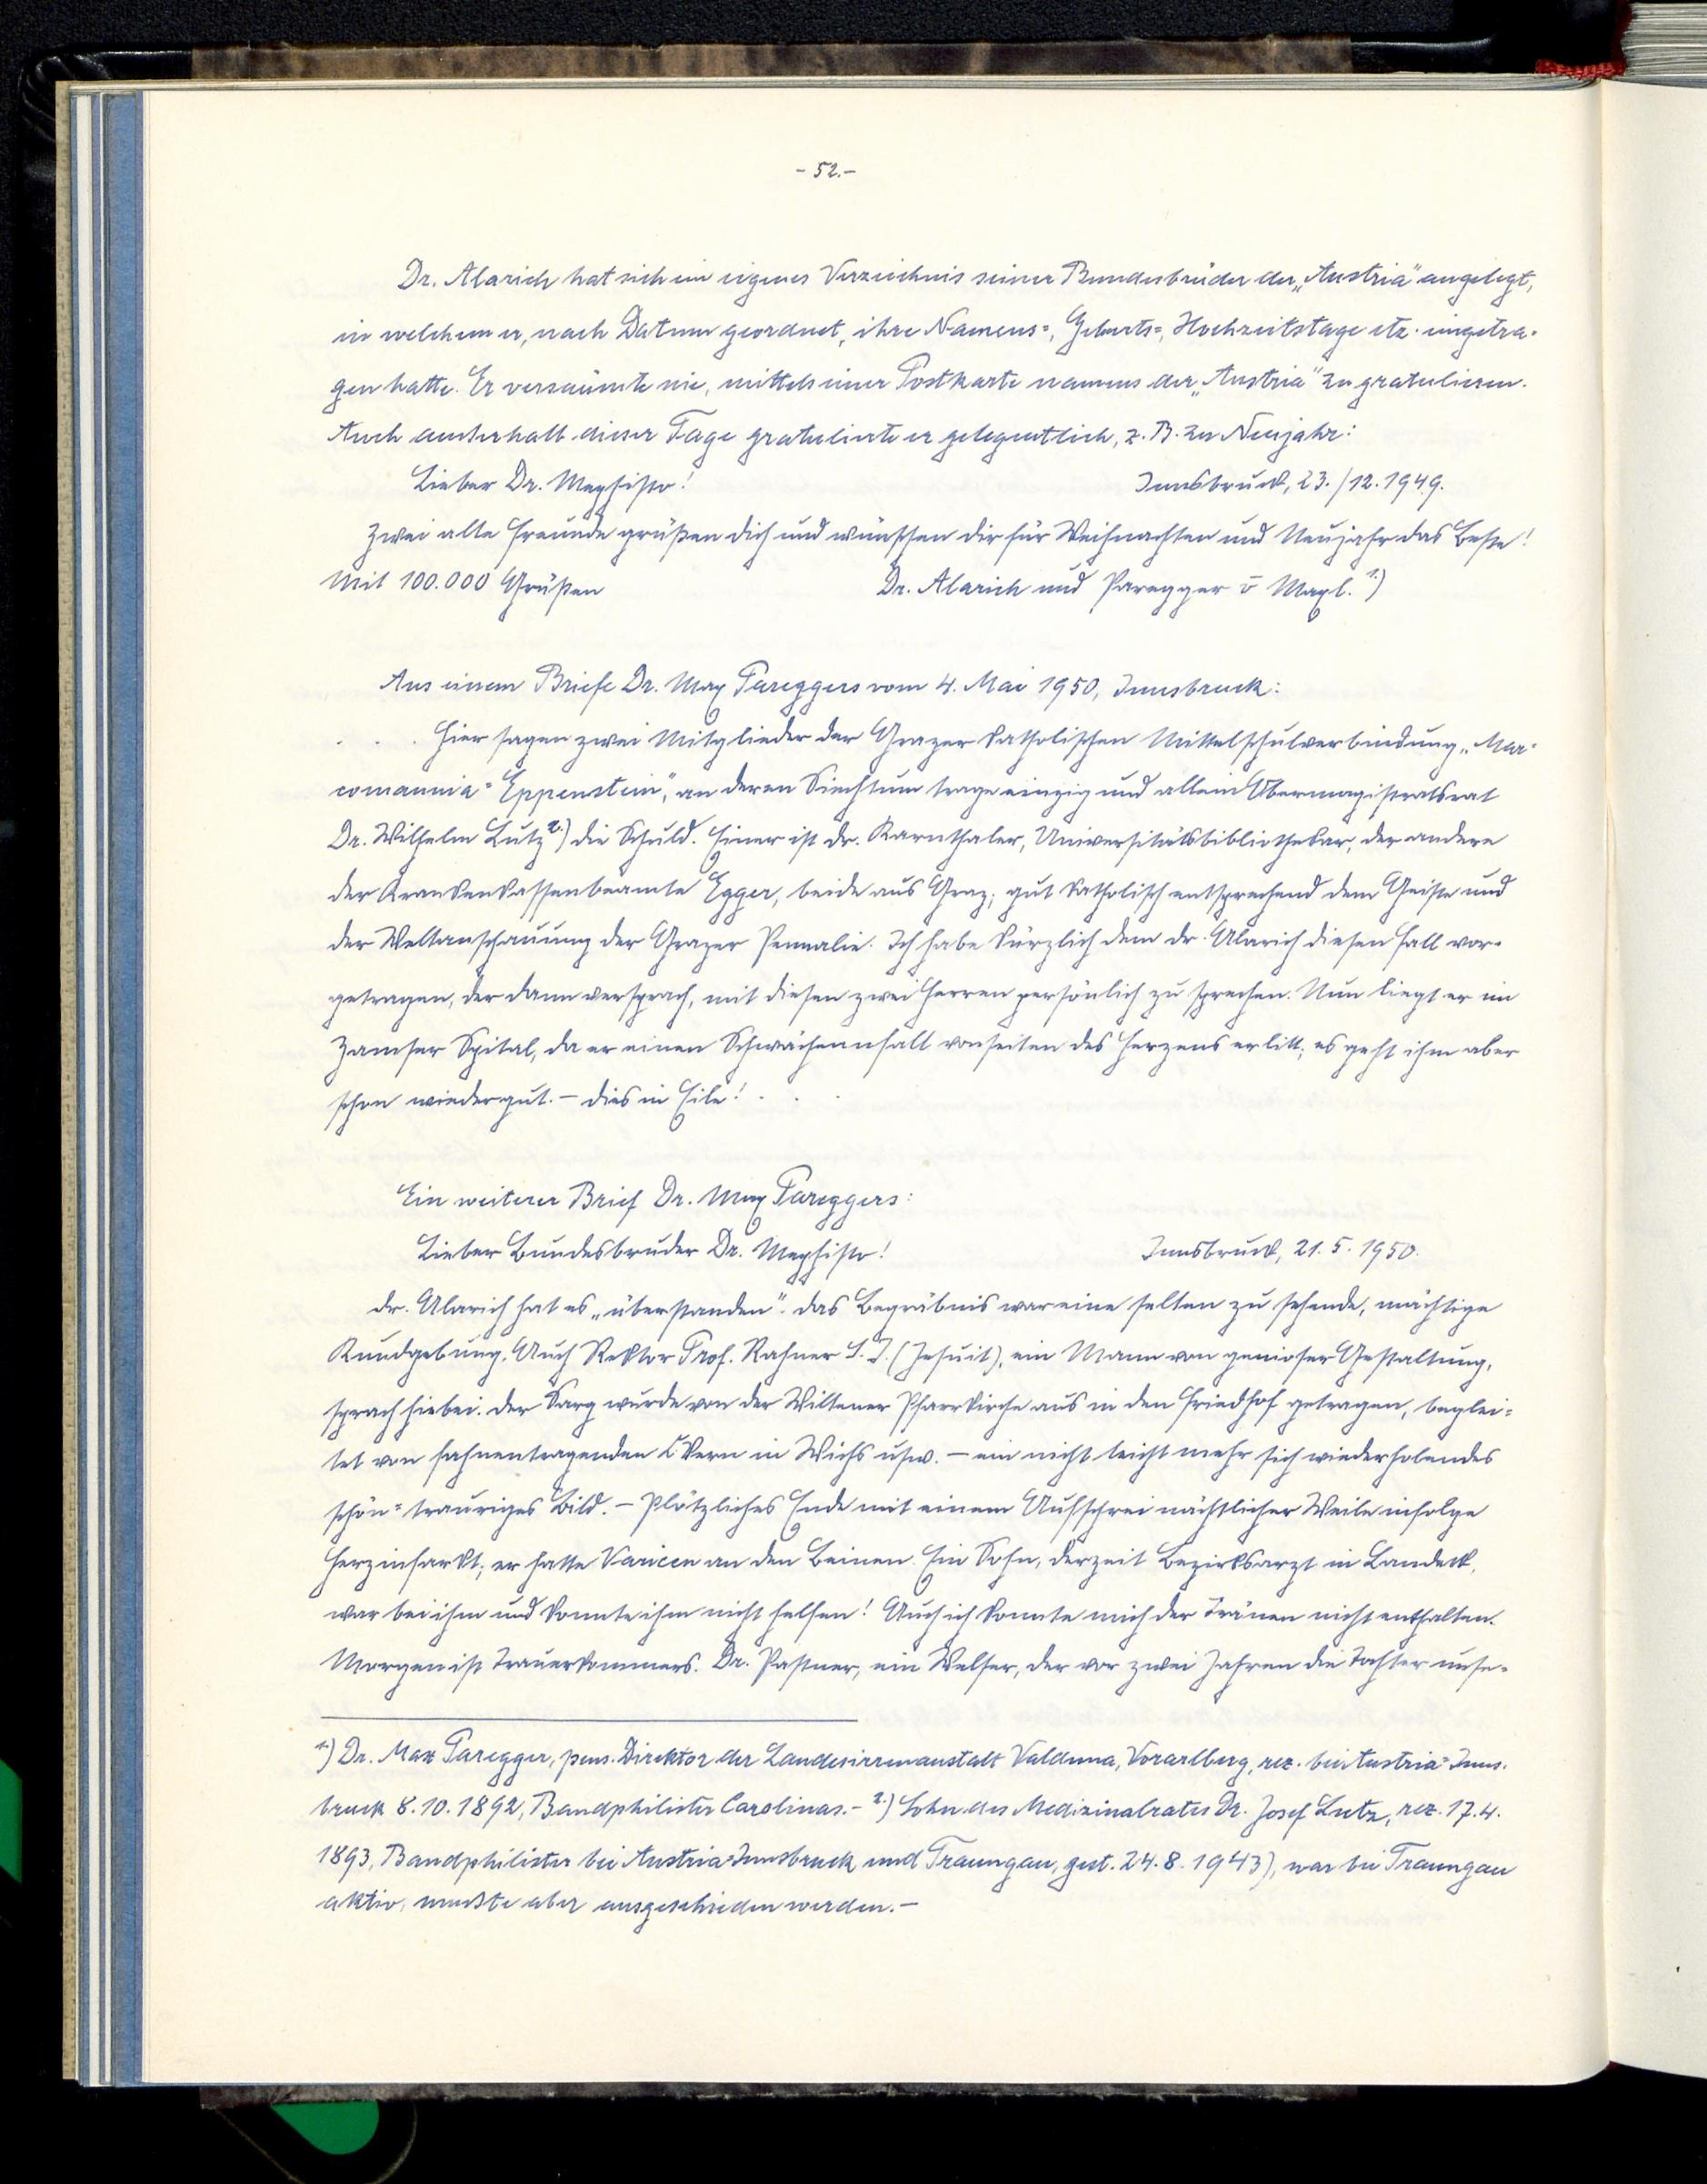52
Dr. Alarich ich hat sich ein eigenes Verzeichnis seiner Bundesbrüder der Austria angelegt,
in welchem er, nach Datum geordnet, ihre Namens-, Geburts- Hochzeitstage etc. eingetra-
gen hatte. Er versäumte nie, mittels einer Postkarte namens der „Austria“ zu gratulieren.
Auch außerhalb dieser Tage gratulierte er gelegentlich, z. B. zu Neujahr:
Lieber Dr. Mephisto!
Innsbruck, 23./12.1949
Zwei alte Freunde grüßen sich und wünschen dir für Weihnachten und Neujahr das Beste!
Mit 100.000 Grüßen
Dr. Alarich und Parigger v/o Mayl 1)
Aus einem Briefe Dr. Max Pariggers vom 4. Mai 1950, Innsbruck:
Hier sagen zwei Mitglieder der Grazer katholischen Mittelschulverbindung „Mar-
vomannia – Eppenstein“, an deren Siechtum trage einzig und allein Obermagistratsrat
Dr. Wilhelm Lutz 2) die Schuld. Einer ist Dr. Karnthaler, Universitätsbibliothekar, der andere
der Krankenkassenbeamte Egger, beide aus Graz, gut katholisch entsprechend dem Geiste und
der Weltanschauung der Grazer Pennalie. Ich habe kürzlich dem Dr. Alarich diesen Fall vor-
getragen, der dann versprach, mit diesen zwei Herren persönlich zu sprechen. Nun liegt er im
Zamser Spital, da er einen Schwächeanfall vonseiten des Herzens erlitt, es geht ihm aber
schon wieder gut.-Dies in Eile!
Ein weiterer Brief Dr. Max Pariggers
Liebe Bundesbrüder Dr. Mephisto!
Innsbruck 21.5.1950
Dr. Alarich hat es „überstanden“. Das Begräbnis war eine selten zu sehende, mächtige
Kundgebung. Auch Rektor Prof. Rahner S.J. (Jesuit), ein Mann von genioser Gestaltung,
sprach hierbei. Der Sarg wurde von der Wiltener Pfarrkirche aus in den Friedhof getragen, beglei-
tet von fahnentragenden CVern in Wichs usw.- ein nicht leicht mehr sich wiederholendes
schön-trauriges Bild. Plötzliches Ende mit einem Aufschrei nächtlicher Weile infolge
Herzinfarkt; er hatte Varicen an den Beinen. Ein Sohn, derzeit Bezirksarzt in Landeck,
war bei ihm und konnte ihm nicht helfen! Auch ich konnte mich der Trauer nicht enthalten.
Morgen ist Trauerkommers. Dr. Pastner, ein Welser, der vor zwei Jahren die Tochter unse-
1) Dr. Max Parigger, pensionierter Direktor der Landesirrenanstalt Valduna, Vorarlberg, rez. bei Austria . Inns-
bruck 8.10.1892, Bandphilister der Carolina. 2) Sohn des Medizinalrates Dr. Josef Lutz, rez. 17.4.
1893, Bandphilister bei Austrua Innsbruck und Traungau, gest. 20.8.1943) war bei Traungau
aktiv, mußte aber ausgeschieden werden.